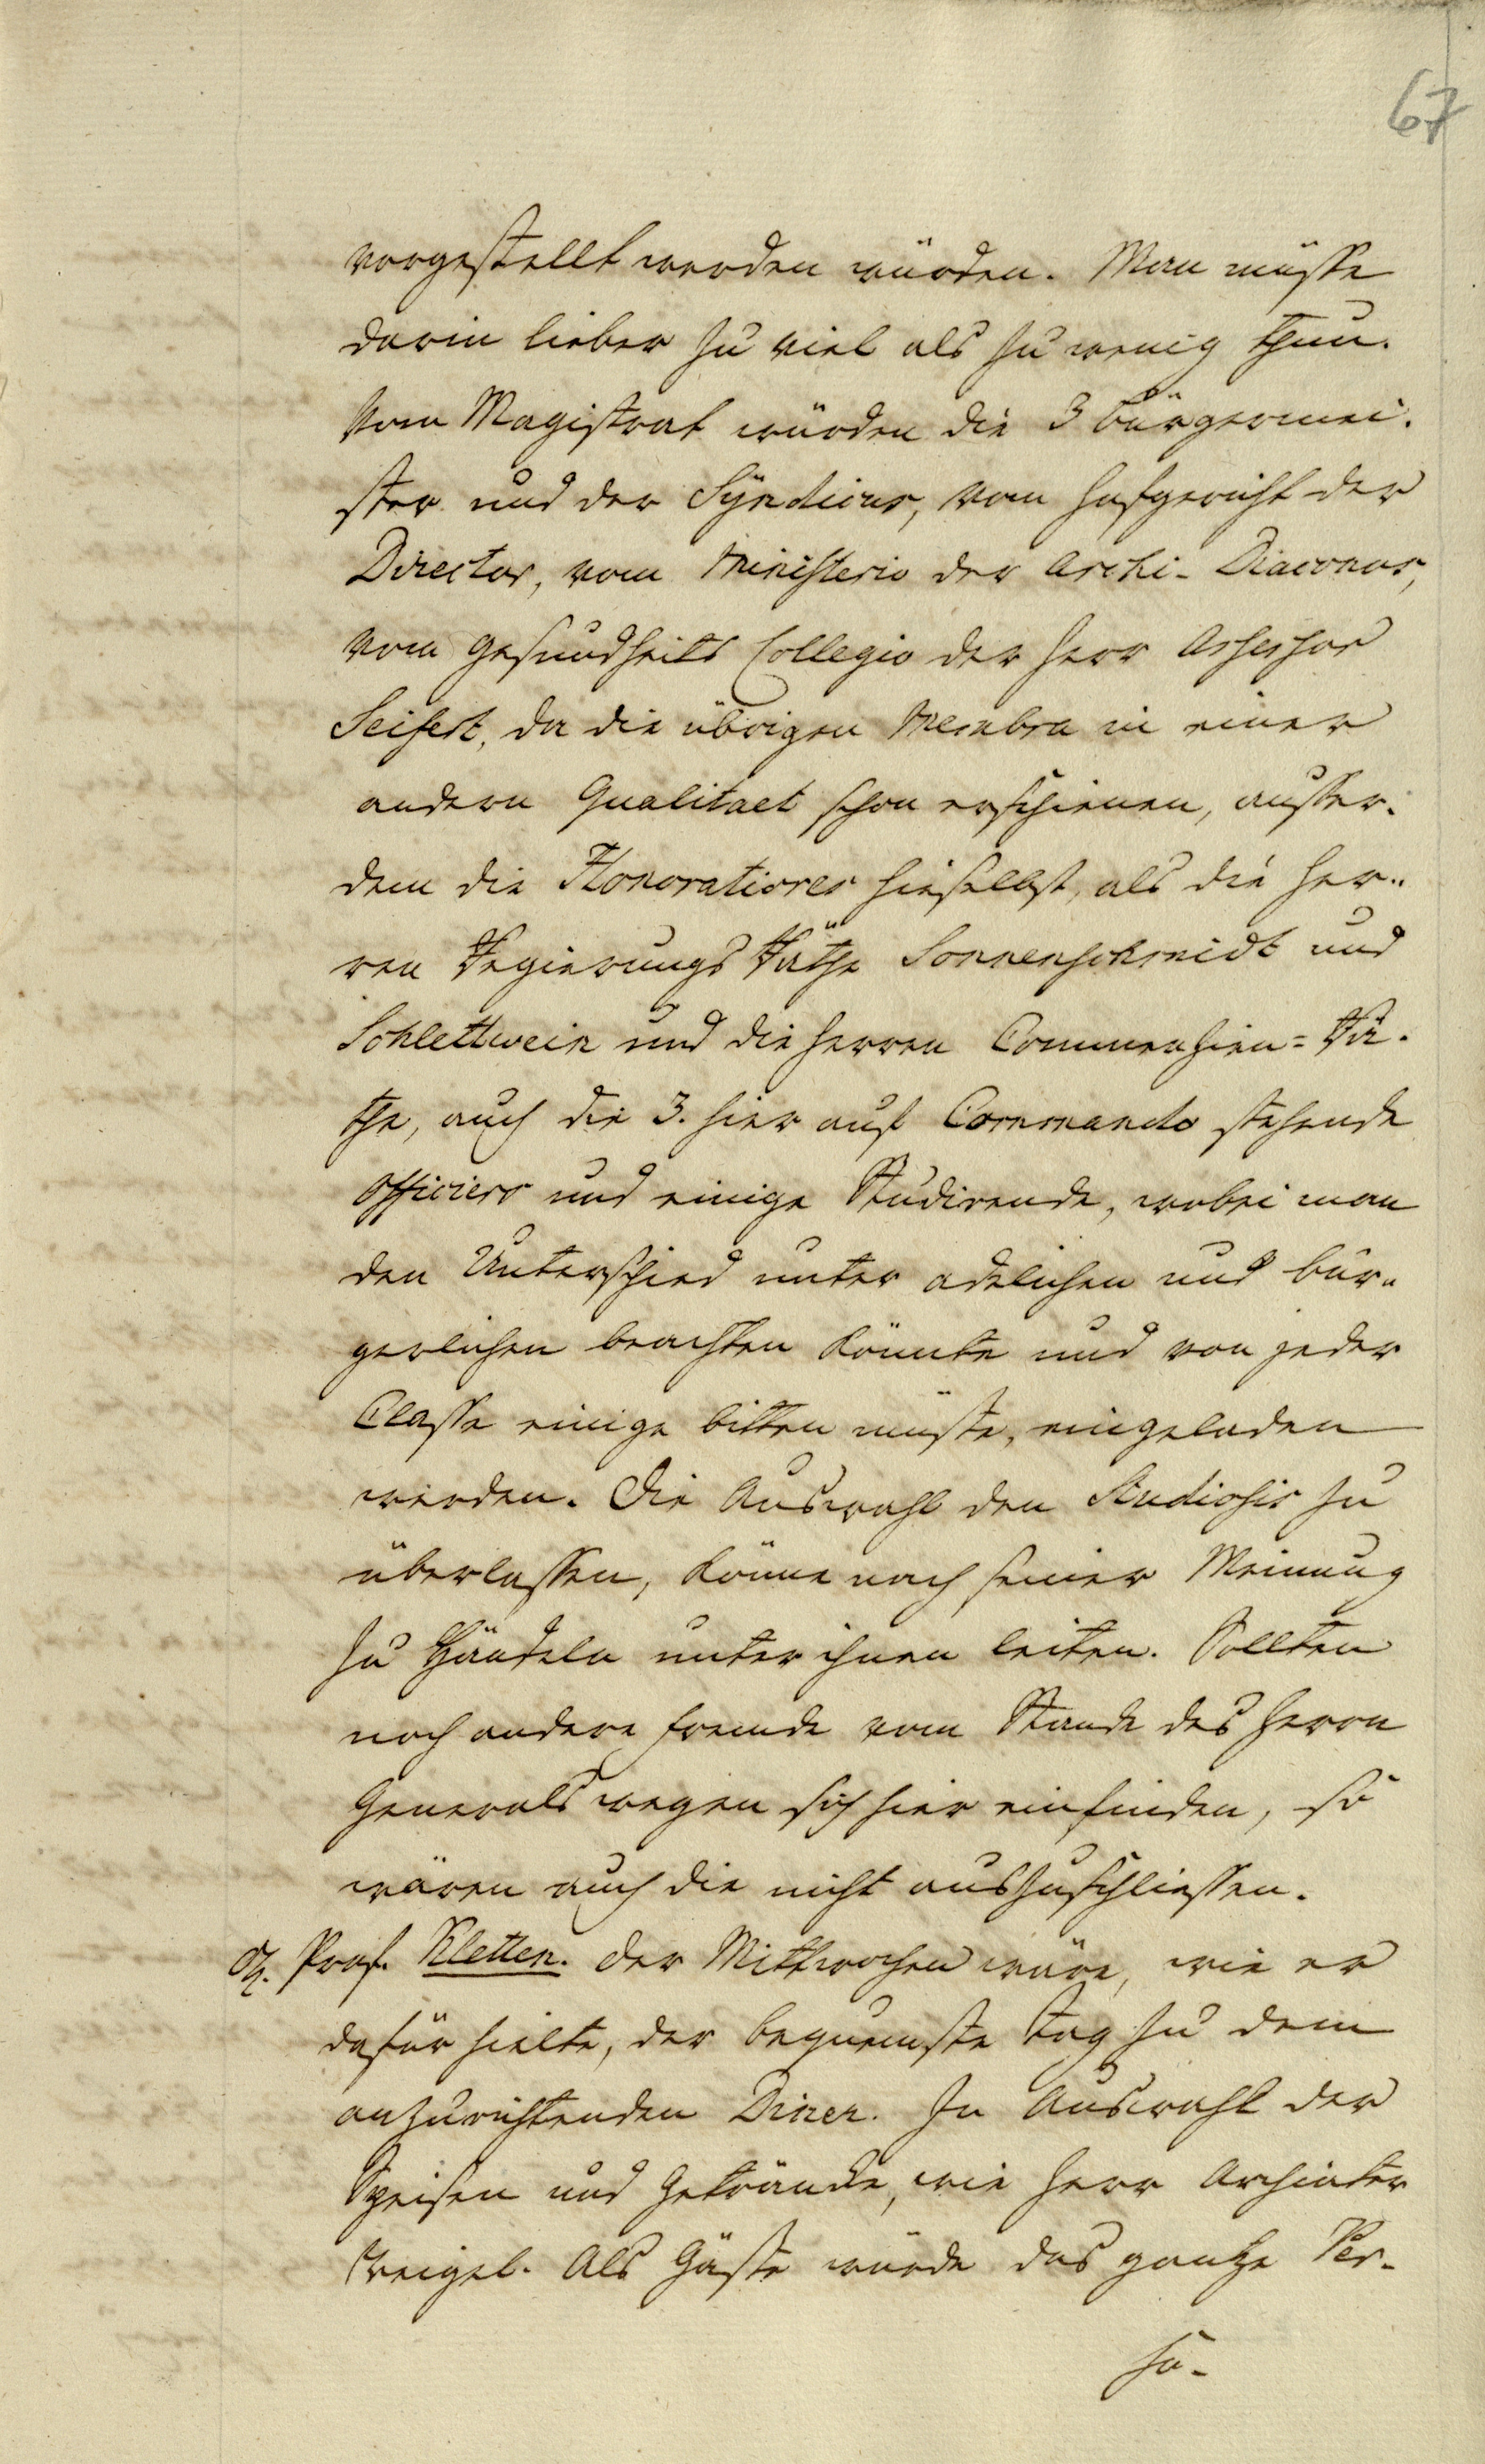vorgestellt werden würden. Man müsse
darin lieber zu viel als zu wenig thun.
Vom Magistrat würden die 3 Bürgermei¬
ster und der Sÿndicus, vom Hofgericht der
Director, vom Ministerio der Archi- Diaconus,
vom Gesundheits Collegio der Herr Assessor
Seifert, da die übrigen Membra in einer
andern Qualitaet schon erschienen, ausser¬
dem die Honoratiores hieselbst, als die Her¬
ren Regierungs Rathe Sonnenschmidt und
Schlettwein und die Herren Commerzien- Rä¬
the, auch die 3. hier auf Commando stehende
Officiers und einige Studirende, wobei man
den Unterschied unter adelichen und bür¬
gerlichen beachten könnte und von jeder
Classe einige bitten müßte, eingeladen
werden. Die Auswahl den Studiosis zu
überlassen, könne nach seiner Meinung
zu Händeln unter ihnen leiten. Sollten
noch andere Fremde vom Stande des Herrn
Generals wegen sich hier einfinden, so
wären auch die nicht auszuschliessen.
dh. Prof. Kletten. Der Mittwochen wäre, wie er
dafür hielte, der bequemste Tag zu dem
anzurichtenden Diner. In Auswahl der
Speisen und Geträncke, wie Herr Archiater
Weigel. Als Gäste würde das gantze Per¬
so